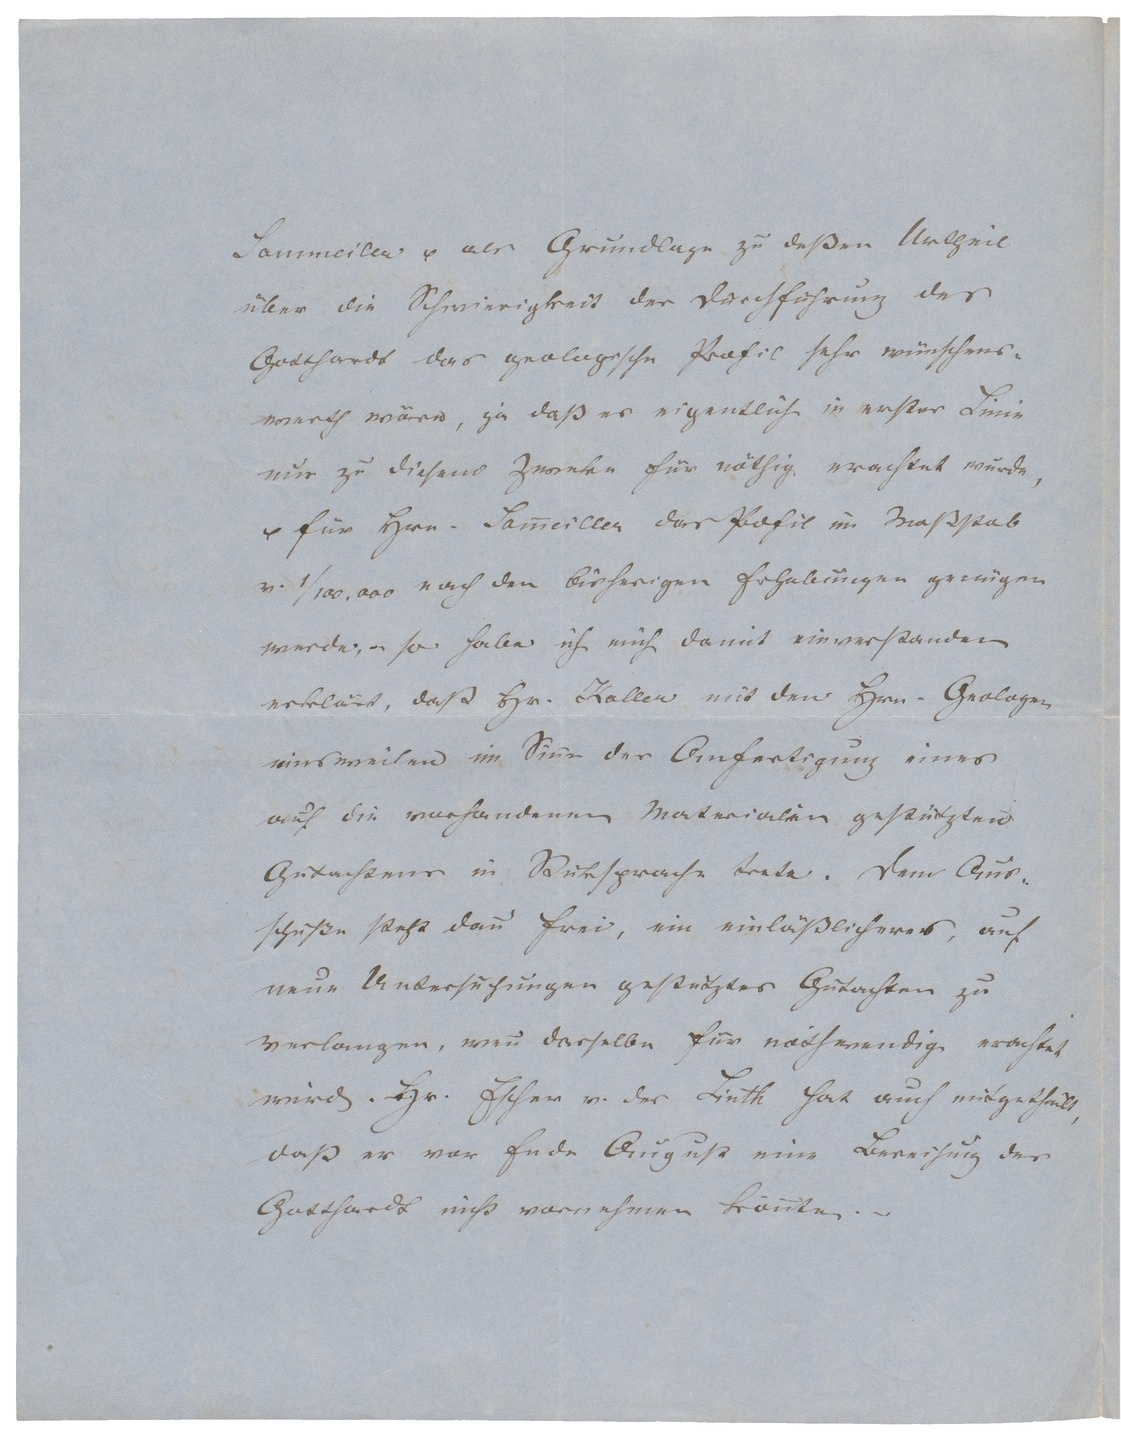Sommeiler & als Grundlage zu deßen Urtheil
über die Schwierigkeit der Durchführung des
Gotthardt das geologische Profil sehr wünschens-
werth wäre, ja daß es eigentlich in erster Linie
nur zu diesem Zweke für nöthig erachtet wurde,
& für Hrn. Sommeiler das Profil im Maßstab
v. 1/100.000 nach den bisherigen Erhebungen genügen
werde, so habe ich mich damit einverstanden
erklärt, daß Hr. Koller mit den Hrn. Geologen
einsweilen im Sinne der Anfertigung eines
auf die vorhandenen Materialien gestützten
Gutachtens in Rüksprache trete. Dem Aus-
schuße steht dann frei, ein einläßlicheres, auf
neue Untersuchungen gestüztes Gutachten zu
verlangen, wenn dasselbe für nothwendig erachtet
wird. Hr. Escher v. der Linth hat auch mitgetheilt,
daß er vor Ende August eine Bereisung des
Gotthardt nicht vornehmen könnte. –